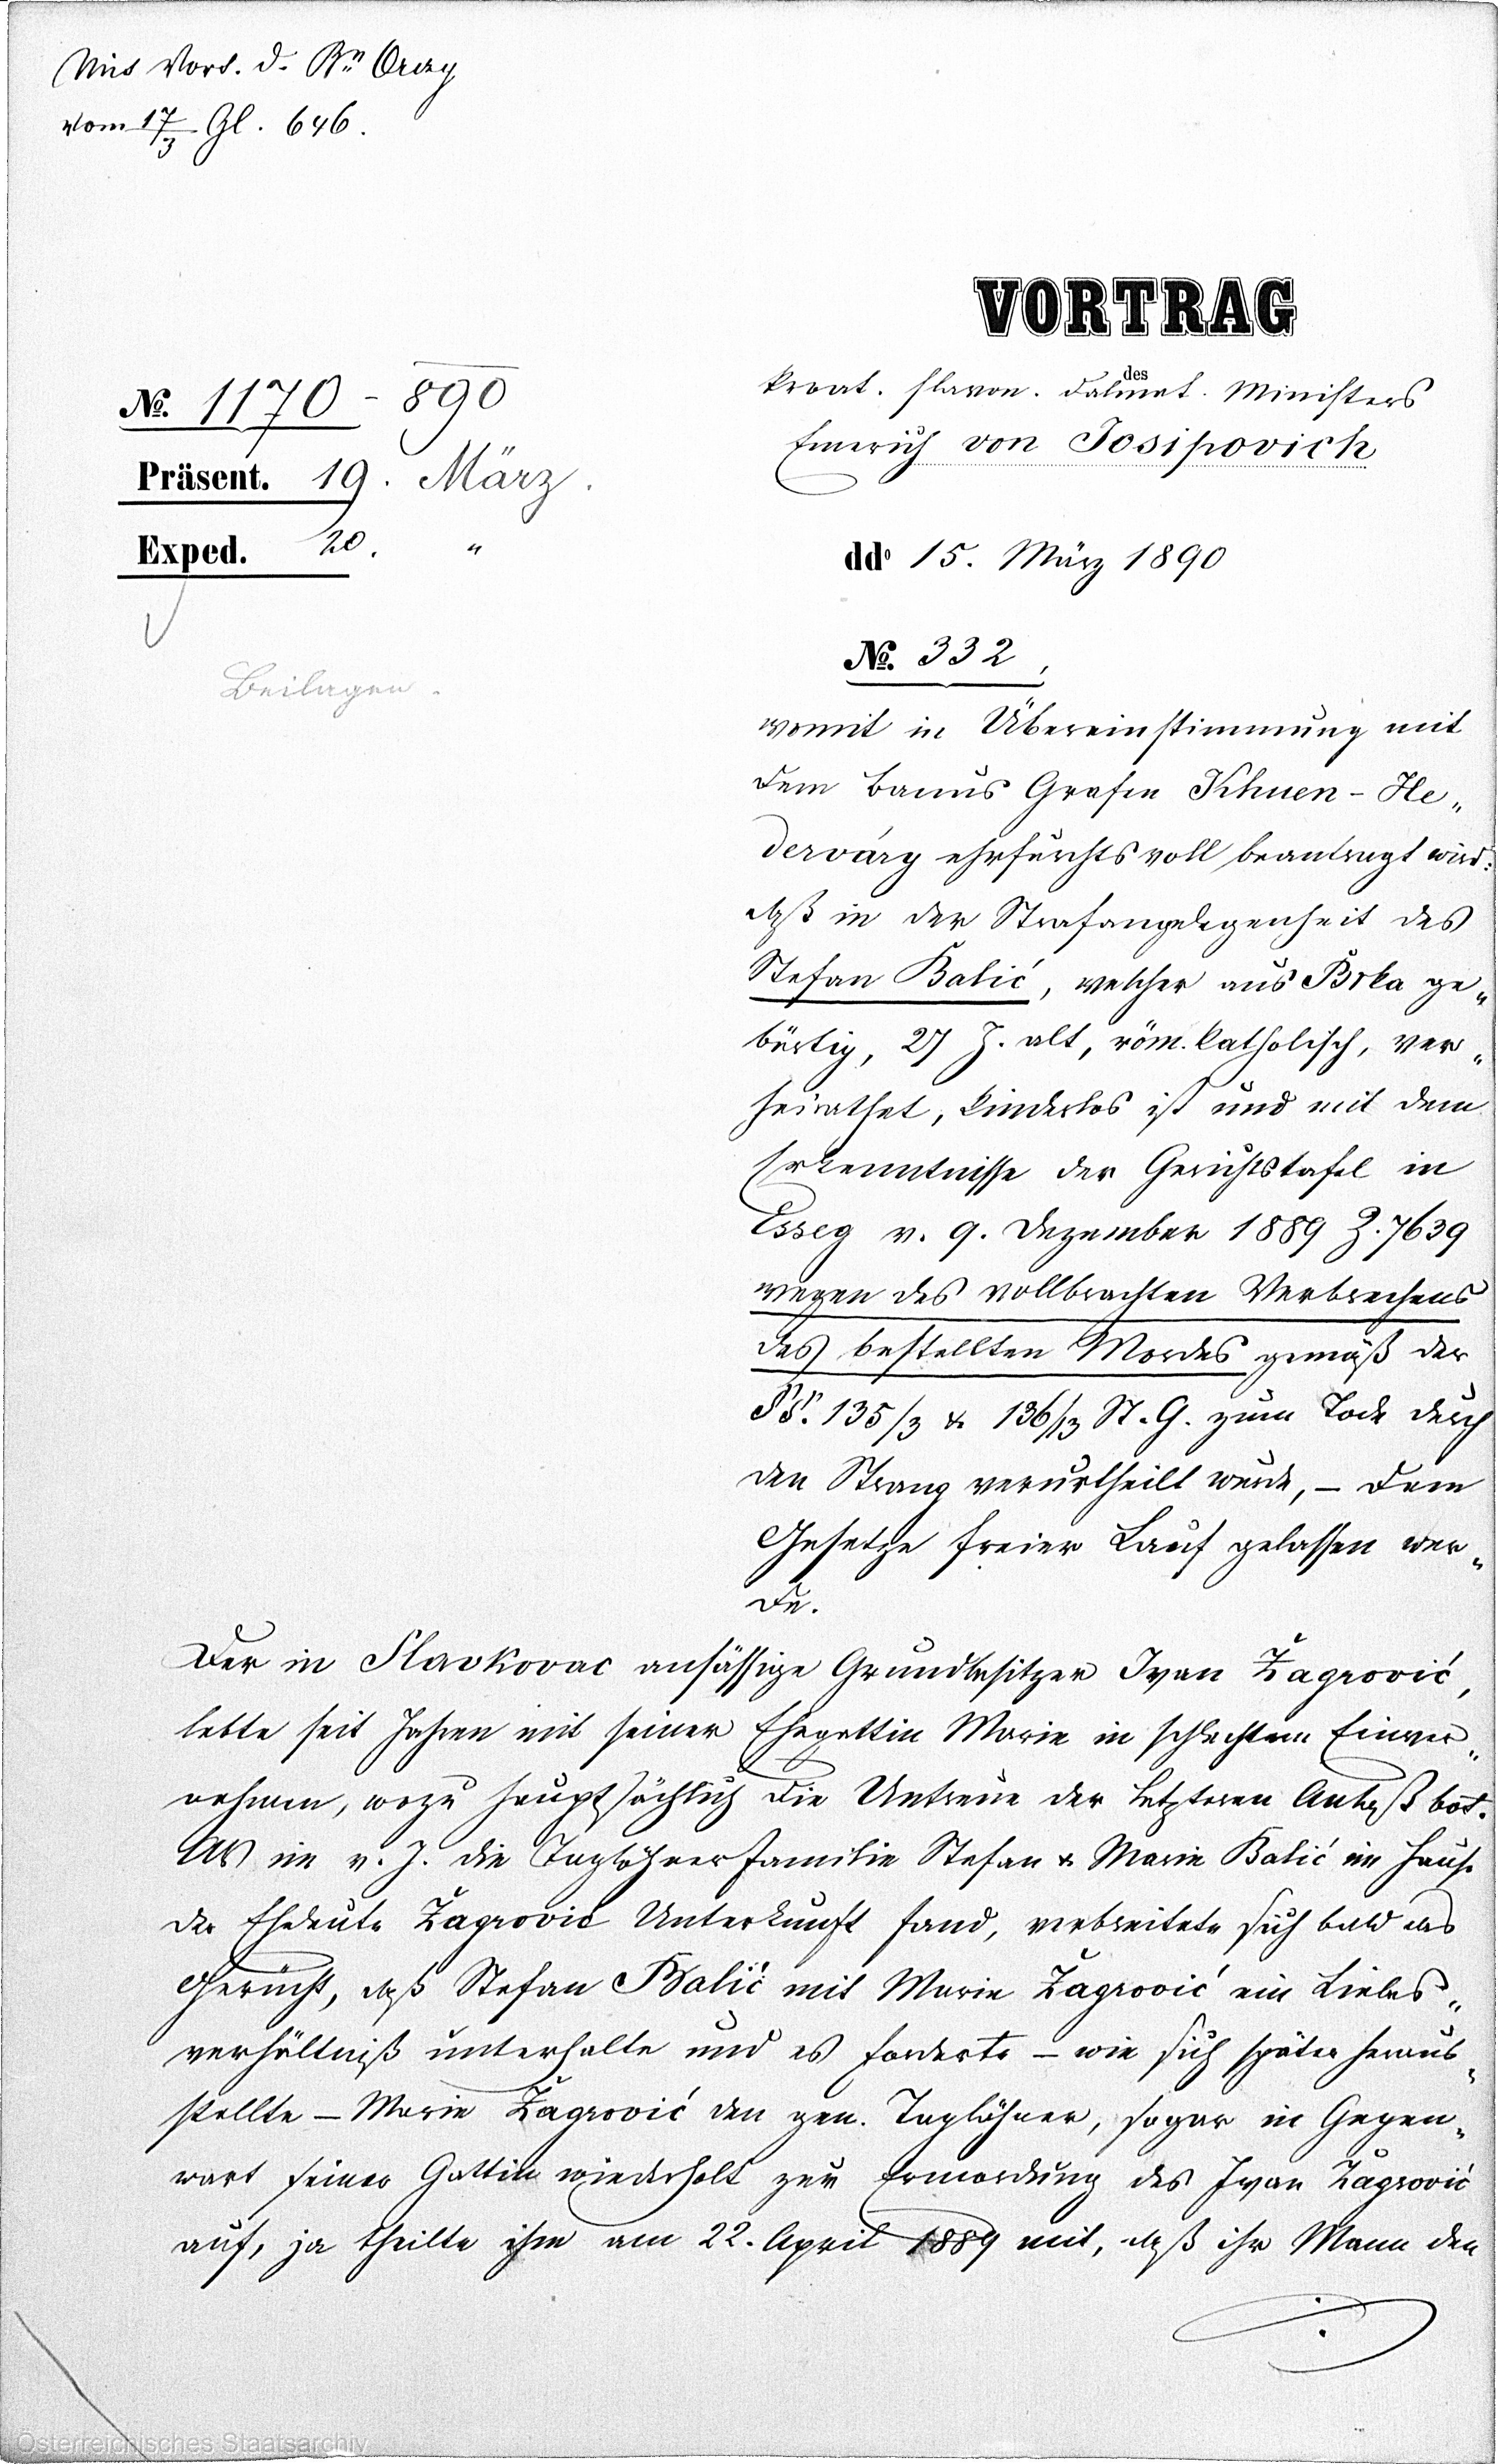Mis Vors. d. Bn Orczy
vom 17/3 Zl. 646.
VORTRAG
des
kroat. slavon. dalmet. Ministers
Emerich von Josipovich
dd° 15. März 1890
N° 332.
womit in Übereinstimmung mit
dem Banus Grafen Khuen - He¬
derváry ehrfurchtsvoll beantragt wird:
daß in der Strafangelegenheit des
Stefan Balić, welcher aus Brka ge¬
bürtig, 27 J. alt, röm. katholisch, ver¬
heirathet, kinderlos ist und mit dem
Erkenntnisse der Gerichtstafel in
Esseg v. 9. Dezember 1889 Z. 7639
wegen des vollbrachten Verbrechens
des bestellten Mordes gemäß der
xx 135/3 & 136/13 St. G. zum Tode durch
den Strang verurtheilt wurde,- dem
Gesetze freier Lauf gelassen wer¬
de.
Der in Slavkovac ansässige Grundbesitzer Ivan Zagrović,
lebte seit Jahren mit seiner Ehegattin Marie in schlichtem Einver¬
nahmen, wozu hauptsächlich die Untreue der letzteren Anlaß bot.
Als ein v. J. die Taglöhner Familie Stefan & Marie Balić ein Hause
der Ehedeute Zagrović Unterkunft fand, verbreitete sich bald des
Gericht, daß Stefan Balić mit Marie Zagrović ein Liebes¬
verhältniß unterhalte und es forderte - wie sich später heraus¬
stellte - Marie Zagrović den gen. Taglöhner, sogar in Gegen¬
wart seiner Gattin wiederholt zum Ermordung des Ivan Zagrović
auf, ja theilte ihm am 22. April 1889 mit, daß ihr Mann den
N° 1170 - 890
Präsent. 19. März.
Exped. 20. März.
Beilagen.